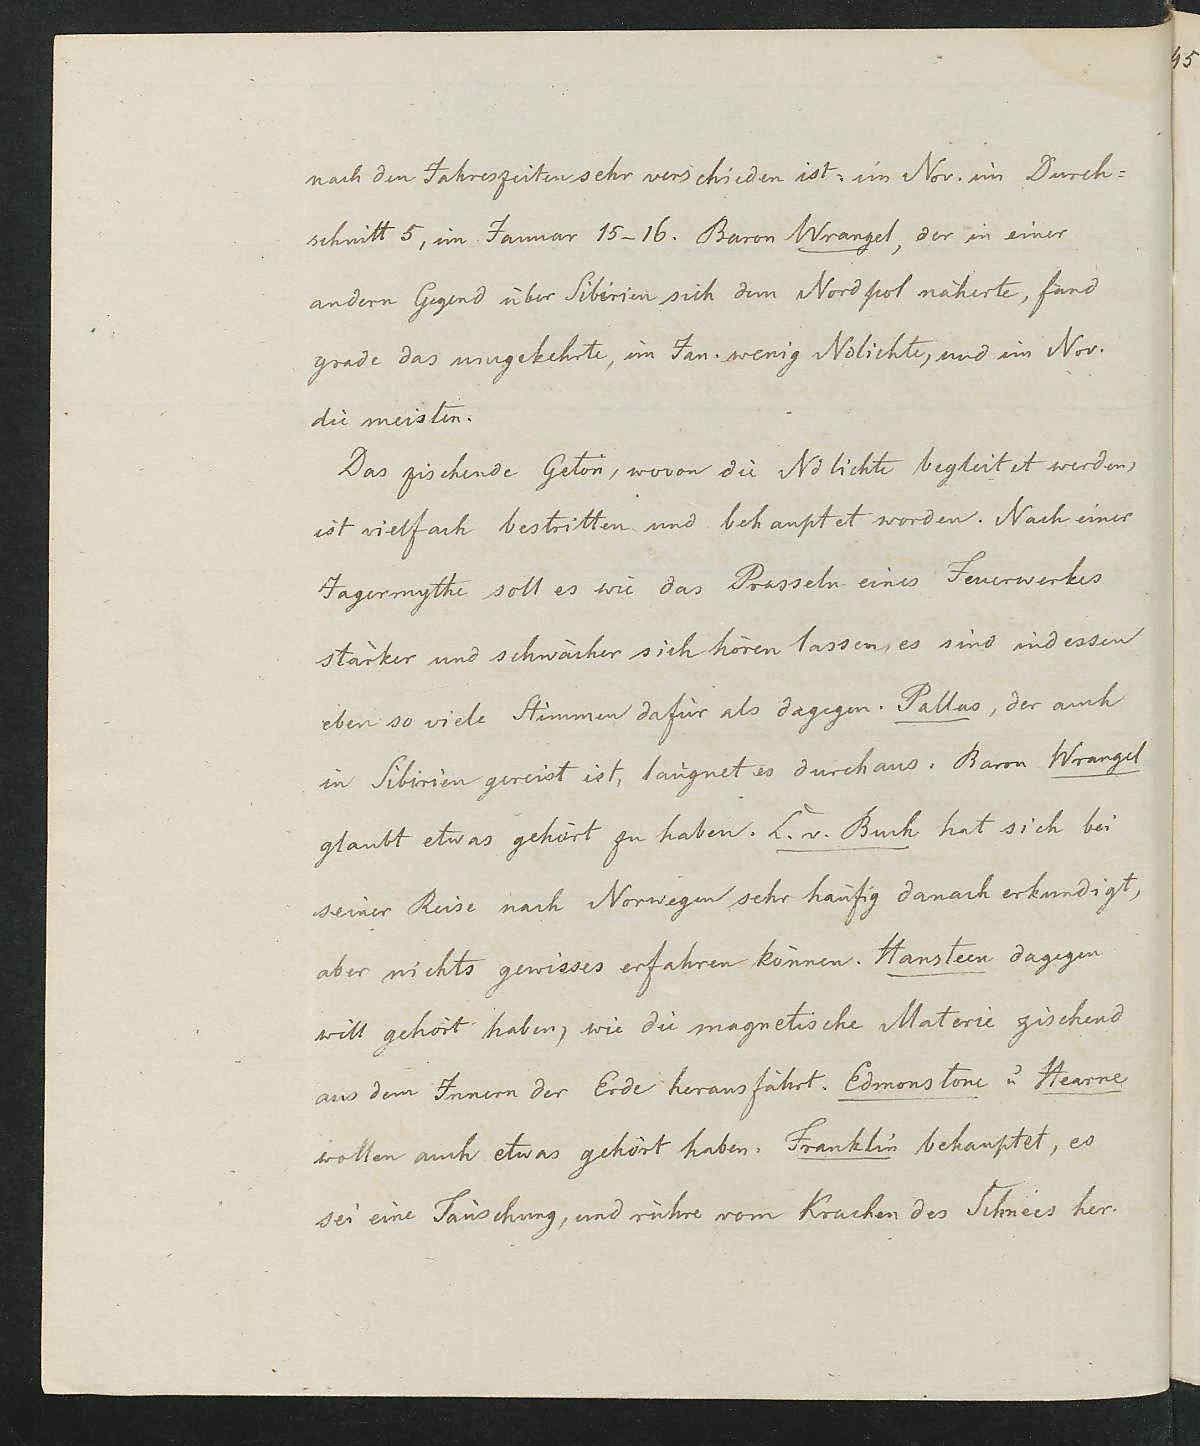nach den Jahreszeiten sehr verschieden ist: im Nov.November im Durch-
schnitt 5, im Januar 15–16. Baron Wrangel, der in einer
andern Gegend über Sibirien sich dem Nordpol näherte, fand
grade das umgekehrte, im Jan. wenig Ndlichte, und im Nov.
die meisten.
Das zischende Getön, wovon die Ndlichte begleitet werden,
ist vielfach bestritten und behauptet worden. Nach einer
Jagermythe soll es wie das Prasseln eines Feuerwerkes
stärker und schwächer sich hören lassen, es sind indessen
eben so viele Stimmen dafür als dagegen. Pallas, der auch
in Sibirien gereist ist, läugnet es durchaus. Baron Wrangel
glaubt etwas gehört zu haben. L. v. Buch hat sich bei
seiner Reise nach Norwegen sehr häufig danach erkundigt,
aber nichts gewisses erfahren können. Hansteen dagegen
will gehört haben, wie die magnetische Materie zischend
aus dem Innern der Erde herausfährt. Edmonstone u Hearne
wollen auch etwas gehört haben. Franklin behauptet, es
sei eine Täuschung, und rühre vom Krachen des Schnees her.